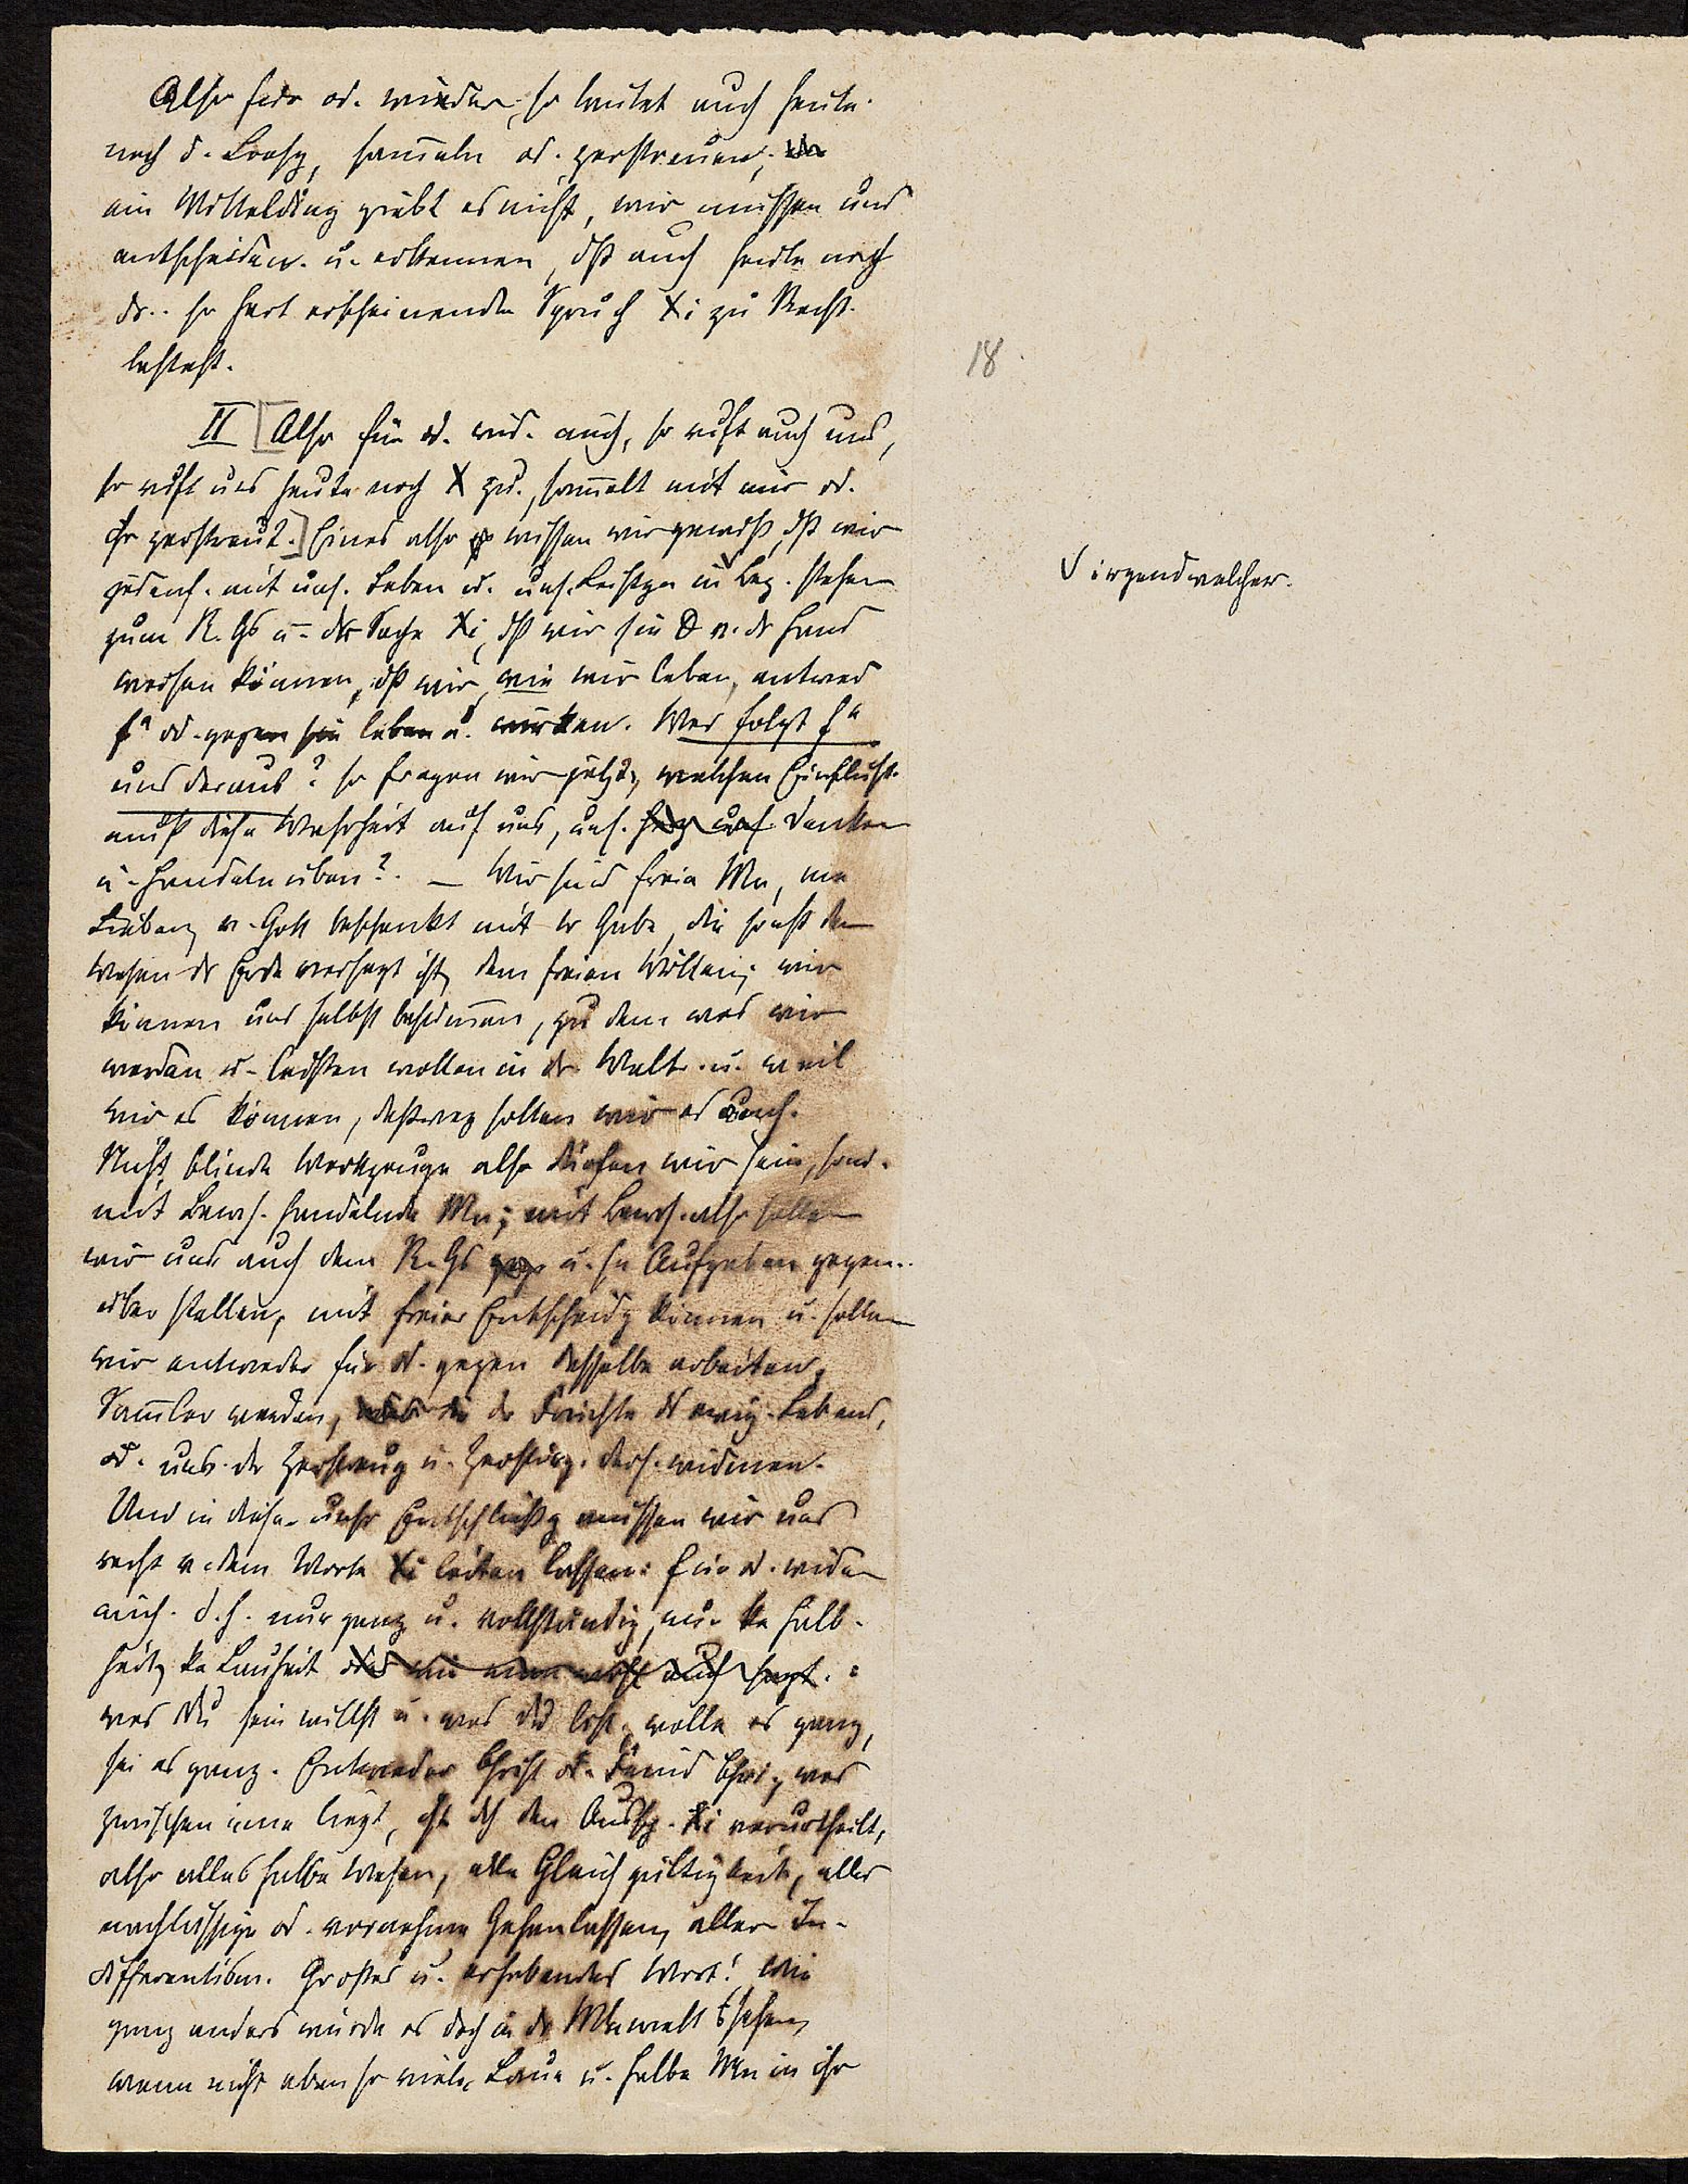Also für od. wider; so lautet auch heute
nach d. Loosg, sameln od. zerstreuen; im
ein Mittelding giebt es nicht, wir müssen uns
entscheiden u. erkennen, dß auch heute noch
dr so hart erscheinende Spruch Χι zu Recht
besteht.
II [ Also für od. wid. auch, so ruft auch uns,
so uns heute noch Χ zu, samelt mit mir od.
ihr zerstreut. ] Eines also zu wissen wir gewiß, dß wir
jedenf. mit uns. Leben u. uns. Leistgn in Bez. stehen
zum R. Gs u. dr. Sache Χι, daß wir sie o v. dr Hand
weisen können, dß wir, wie wir leben, entwed.
fü od. gegen sie leben u. wirken. Was folgt fü
uns daraus? so fragen wir jetzt; welchen Einfluß
muß diese Wahrheit auf uns, uns. frag. uns. Denken
u. Handeln üben? _ Wir sind freie Mn, wir
Lieben, v. Gott beschenkt mit 1r Gabe, die sonst knm
Wesen dr Erde versagt ist, dem freien Willen; wir
können uns selbst bestimen, zu dem was wir
werden u. leisten wollen in dr. Welt u. weil
wir es können, deßweg. sollten wir es auch.
Nicht blinde Werkzeug also dürfen wir sein, sond.
mit Bews. handelnde Mn; mit Bews. also sollen
wir uns auch dem R . Gs. geg. u. sn Aufgaben gegen¬
über stellen, mit freier Entscheidg können u. sollen
wir entweder für od. gegen dasselbe arbeiten.
Samler werden, oder die dr. Früchte des weig. Lebens,
od. uns dr Zerstreug u. Zerstörg. ders. widmen.
Und in dieser unsr Entschließg müßen wir uns
recht v. dem Worte Χι leiten lassen: für od. wider
auch d.h. nur ganz u. vollständig, nur kn Halb¬
heit, kn Lauheit oder wie men erst auch sagt:
wer Du sein willst u. was du bist, woll es ganz,
sei es ganz. Entweder Christ od. Feind Chri, was
zwischen inne liegt, ist dch den Aussp. Χι verurtheilt,
also alles halbe Wesen, alle Gleichgültigkeit, alles
nachlässige od. vornehme Gehenlassen, aller In¬
differentism. Grußes u erhebendes Wort! Wie
ganz anders würde es doch in der Mnwelt ssehen,
wenn nicht eben so viele Laue u. Halbe Mn in ihr
18
V irgendwelcher.